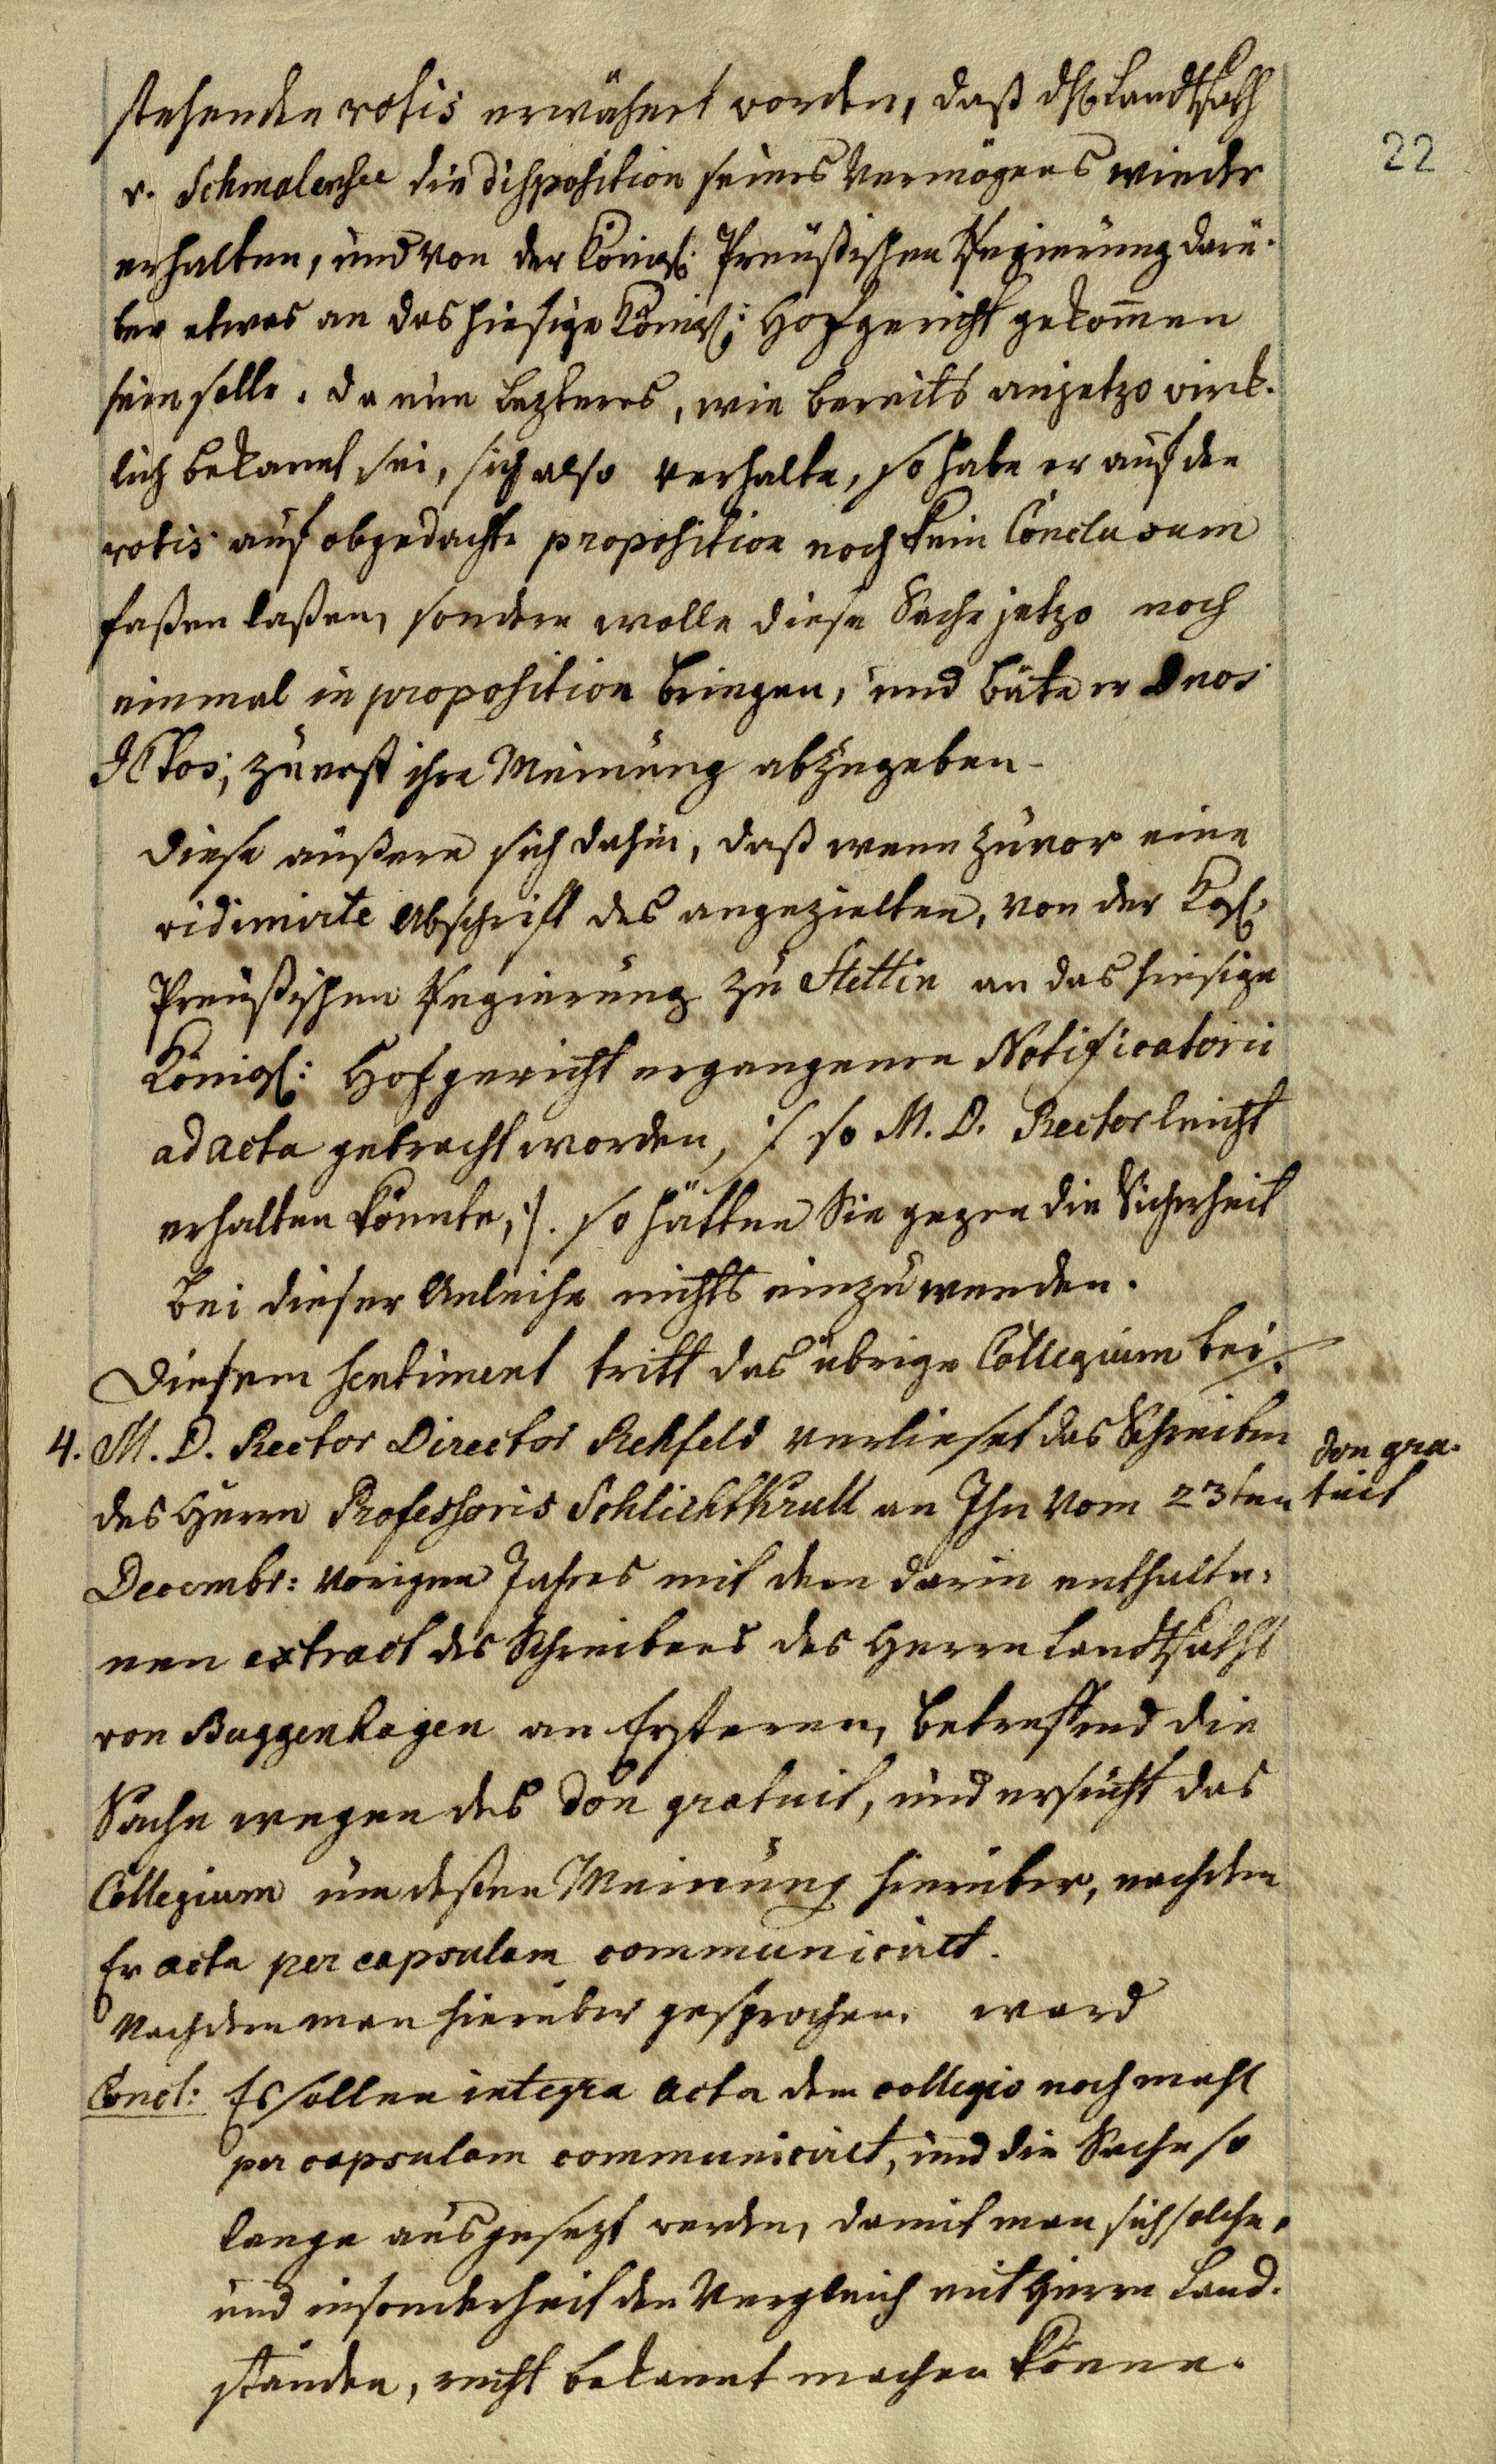stehenden votis erwähnet worden, daß dh LandRath
v. Schmalensee die disposotion seines Vermögens wieder
erhalten, und von der Königl. Preußischen Regierung darü¬
ber etwas an das hiesige Königl. Hofgericht gekomen
sein solle. Da nun Lezteres, wie bereits anjetzo wirk¬
lich bekannt sei, sich also verhalte, so habe er auf den
votis auf obgedachte proposition noch kein Conclusum
faßen laßen, sondern wolle diese Sache jetzo noch
einmal in proposition bringen, und bäte er D nos
IC tos; zuerst ihre Meinung abzugeben.
Diese äußern sich dahin, daß wenn zuvor eine
vidimirte Abschrift des angezielten, von der Kgl.
Preußischen Regierung zu Stettin an das hiesige
Königl. Hofgericht ergangenen Notificatorii
ad acta gebracht worden, ./. so M. D. Rector leicht
erhalten könnte, ./. so hätten Sie gegen die Sicherheit
bei dieser Anleihe nichts einzuwenden.
Diesem sentiment tritt das übrige Collegium bei.
4. M. D. Rector Direktor Rehfeld verlieset das Schreiben
des Herrn Professoris Schlichtkrull an Ihn vom 23 ten
Decembr. vorigen Jahres mit dem darin enthalte¬
nen extract des Schreibens des Herrn LandRaths
von Buggenhagen an Ersteren, betreffend die
Sache wegen des don gratuit, und ersucht das
Collegium um dessen Meinung hierüber, nachdem
Er acta per capsulam communiciret.
Nachdem man hierüber gesprochen, ward
Concl. Es sollen integra acta dem collegio nochmahl
per capsulam communiciret, und die Sache so
lange ausgesezt werden, damit man sich solche
und insonderheit den Vergleich mit Herrn Land¬
ständen, recht bekannt machen könne.